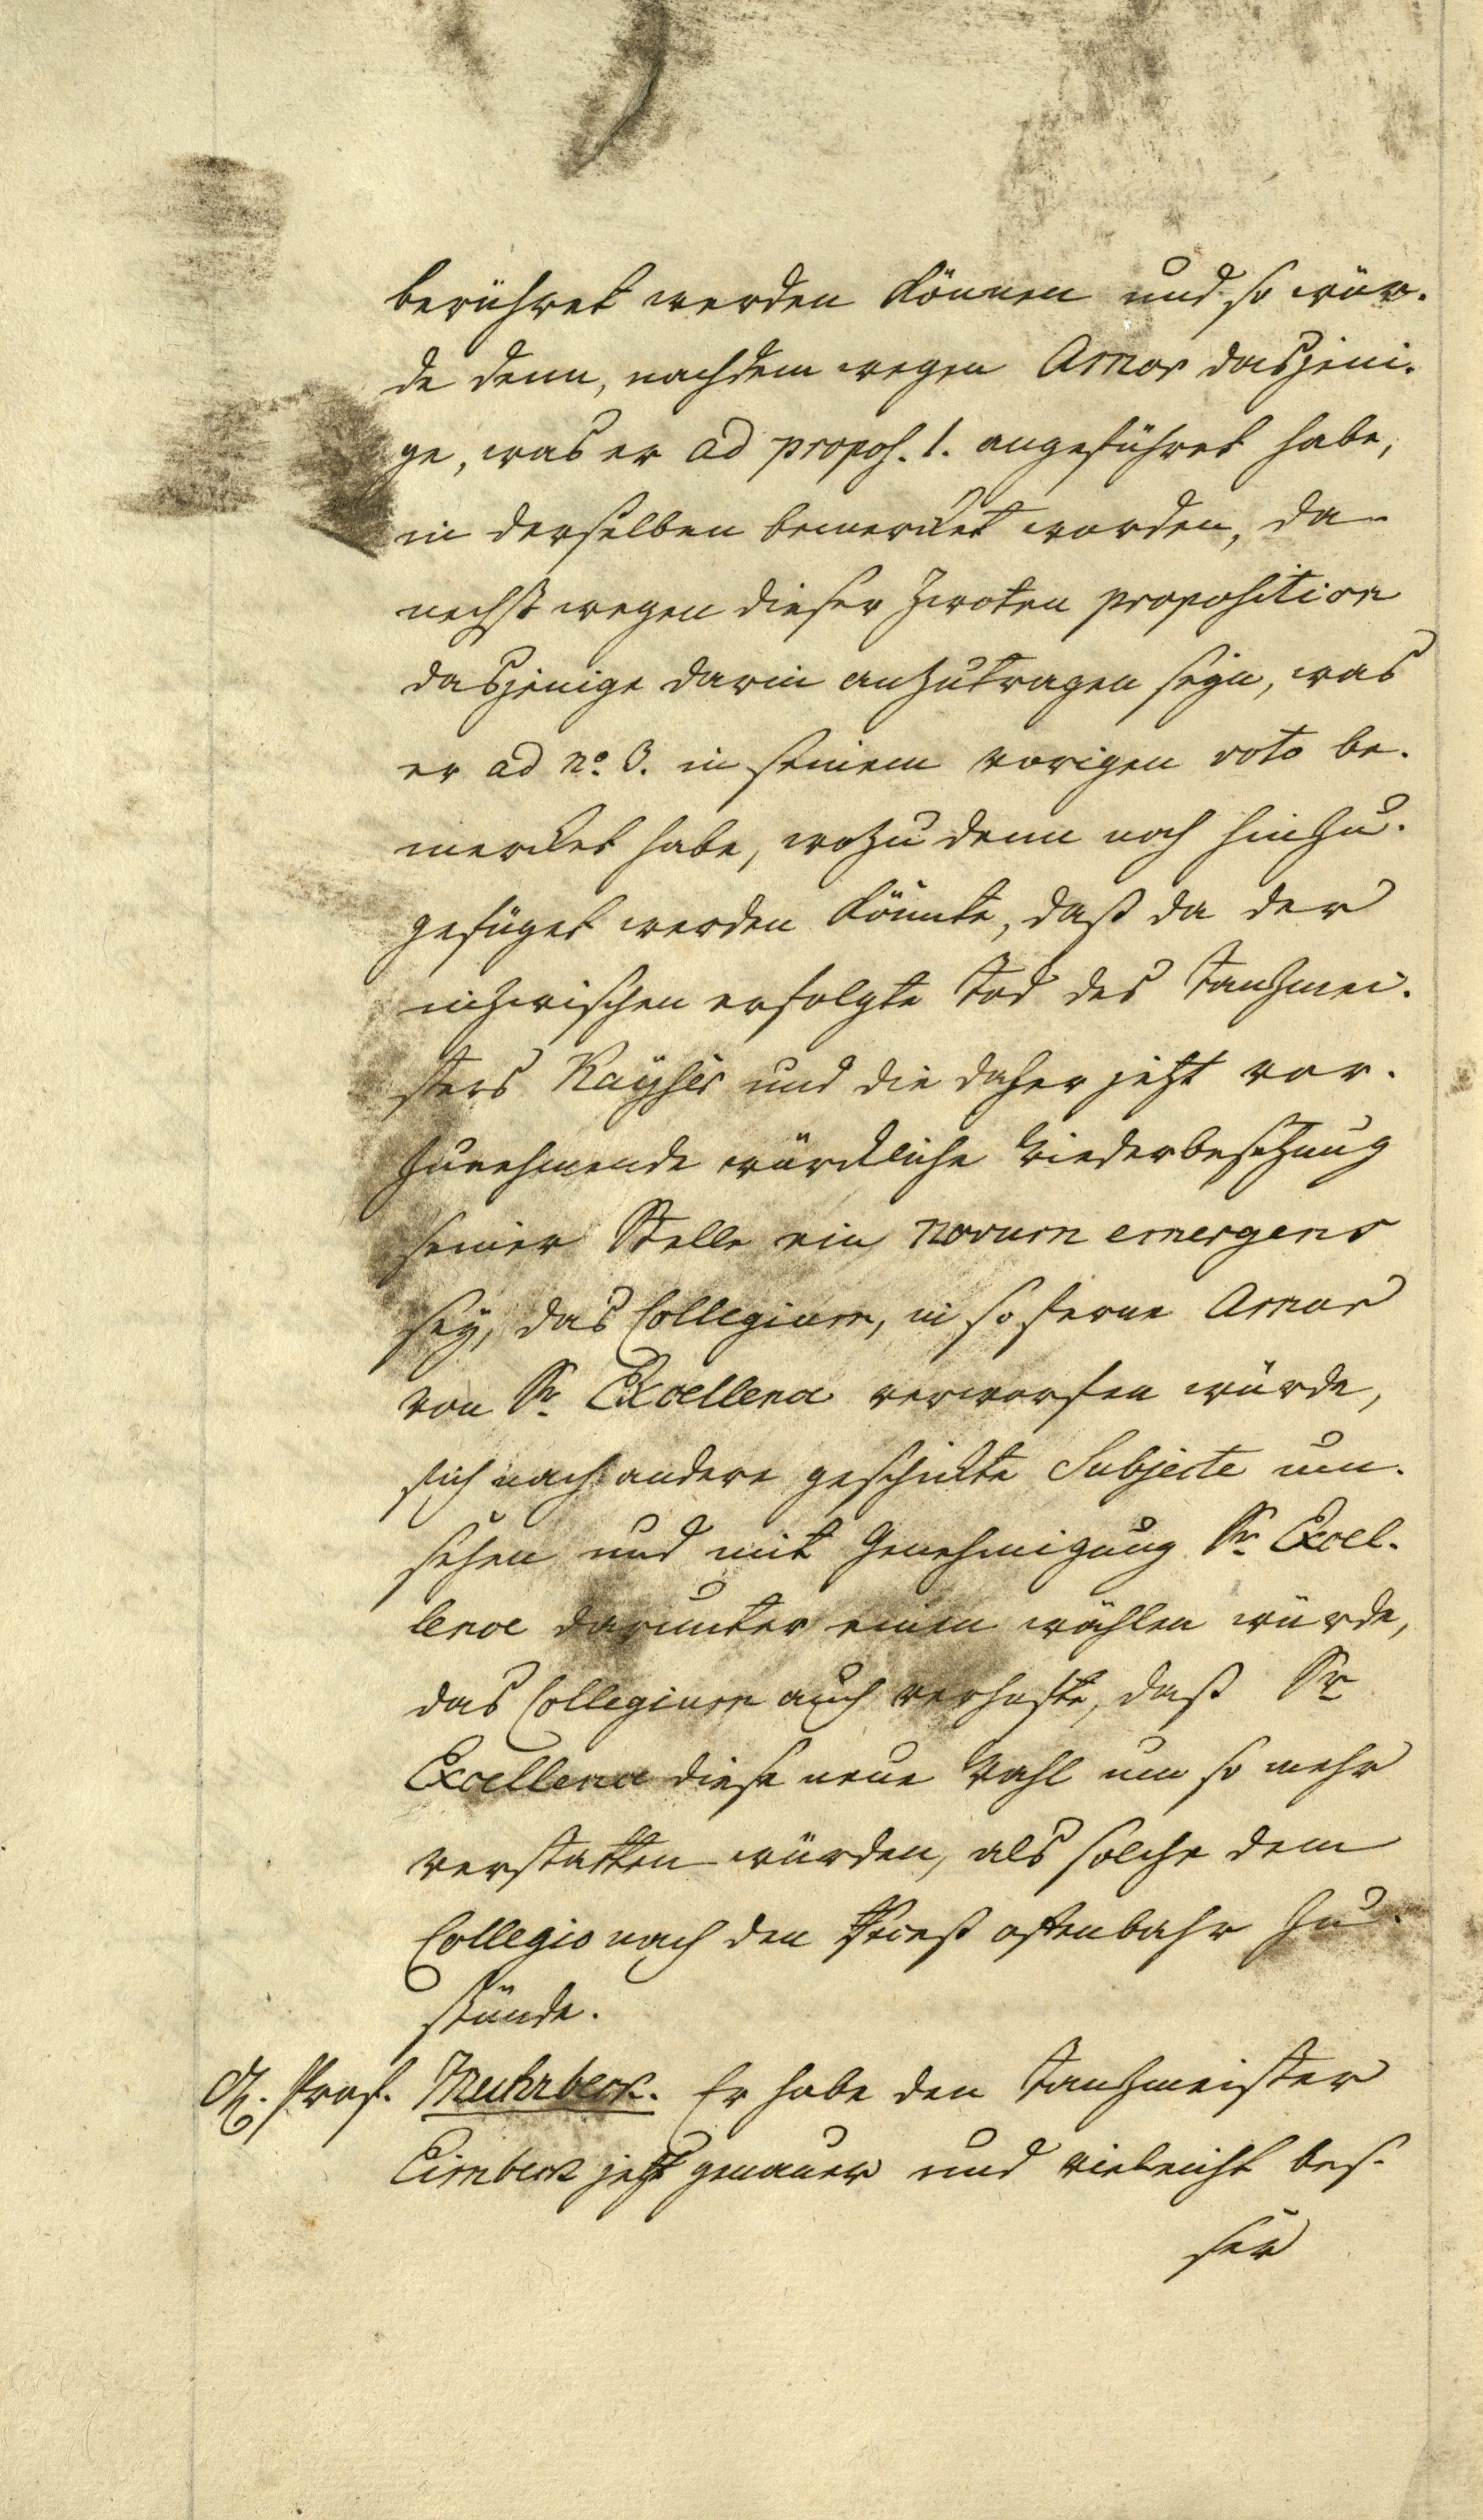berühret werden können und so wür¬
de denn, nachdem wegen Amor dasjeni¬
ge, was er ad propos. 1. angeführet habe,
in derselben bemercket worden, da
nechst wegen dieser zwoten proposition
dasjenige darin anzutragen seÿn, was
er ad no. 3. in seinem vorigen voto be¬
mercket habe, wozu denn noch hinzu¬
gefüget werden könnte, daß da der
inzwischen erfolgte Tod des Tanzmei¬
sters Kaÿser und die daher jetzt vor¬
zunehmende würkliche Wiederbesetzung
seiner Stelle ein novum emergens
seÿ, das Collegium, in so ferne Amor
von Sr. Excellence verworfen würde,
sich nach andere geschickte Subjecte um¬
sehen und mit Genehmigung Sr Excel¬
lence darunter einen wählen würde,
das Collegium auch verhafte, daß Sr
Excellence diese neue Wahl um so mehr
verstatten würden, als solche dem
Collegio nach den Receß offenbahr zu¬
stünde.
dh. Prof. Muhrbeck. Er habe den Tanzmeister
Eimbeck jetzt genauer und vieleicht bes¬
ser